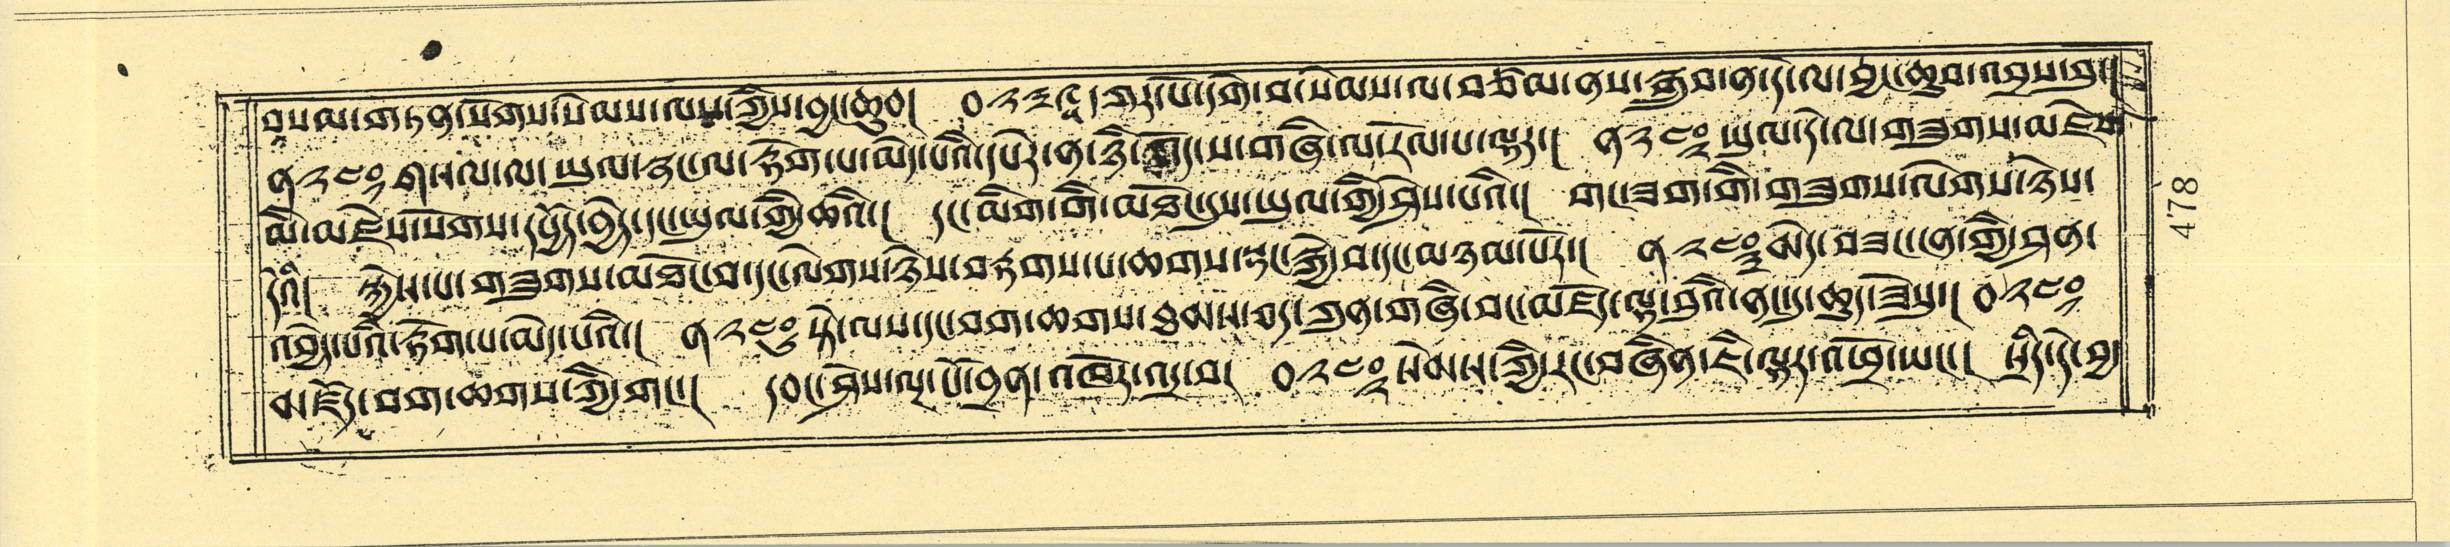བསམ་གཏན་སོགས་སེམས་ལས་ཀྱིས་༼བྱང་ཆུབ༽བ༢༣༩།༥དཀར་པོ་དགེ་བ་སེམས་ལ་བཙལ་ནས་བསྒྲུབ་ན་དེ་ལ་བྱང་ཆུབ་འབྲས་བུ་
ན༢༤༠།༡༼གསལ་ལ༽ཡུལ་སྣང་ལ་རྟོག་པ་མེད་པའི་དཔེར་ན་ཉི་འོད་ས་གཞི་ལ་རོལ་པ་ལྟར་ན༢༤༠།༢༼ཡུལ་དེ་ལ༽གཟུགས་མཛེས་
མི་མཛཻས་སོགས་༼དཔྱོད་བྱེད་༽དང་ཡུལ་གྱི་ཆའི་དང་མིག་གིས་མཐོང་དུས་ཡུལ་གྱི་ཤེས་པའི་གང་ཟག་གི་གཟུགས་ལེགས་ཉེས་
༼དེའི༽༼སྐྱེས་པ༽གཟུགས་མཐོང་བ་དང་ལེགས་ཉེས་བརྟགས་པ་ཆགས་སྡང་སྐྱེ་བ་མཉམ་པོར་ན༢༤༠།༣༼མེད༽བཟང་ངན་གྱི་ཤན་
འབྱེད་པའི་རྟོག་པ་མེད་པའི་ན༢༤༠།༦སྟེ་ལས་དང་བག་ཆགས་༼ཐམས་ཅད༽ཀུན་གཞི་བང་མཛོད་ལྟ་བུའི་ནང་དུ་ཆུད་ཟོས་སུ་བ༢༤༠།༡
མཛོདབག་ཆགས་ཀྱིས་གང་། དབང་ཤེས་ལྔ་པོ་བྲན་འཁོར་འདྲ་བ་བ༢༤༠།༢༼སེམས༽ཀྱི་རང་བཞིན་ཇི་ལྟར་འཕྲོ་ཡང་༼སྲིད༽དེ་བྱ་ ༼༽ ༼༽ ༼༽ ༼༽